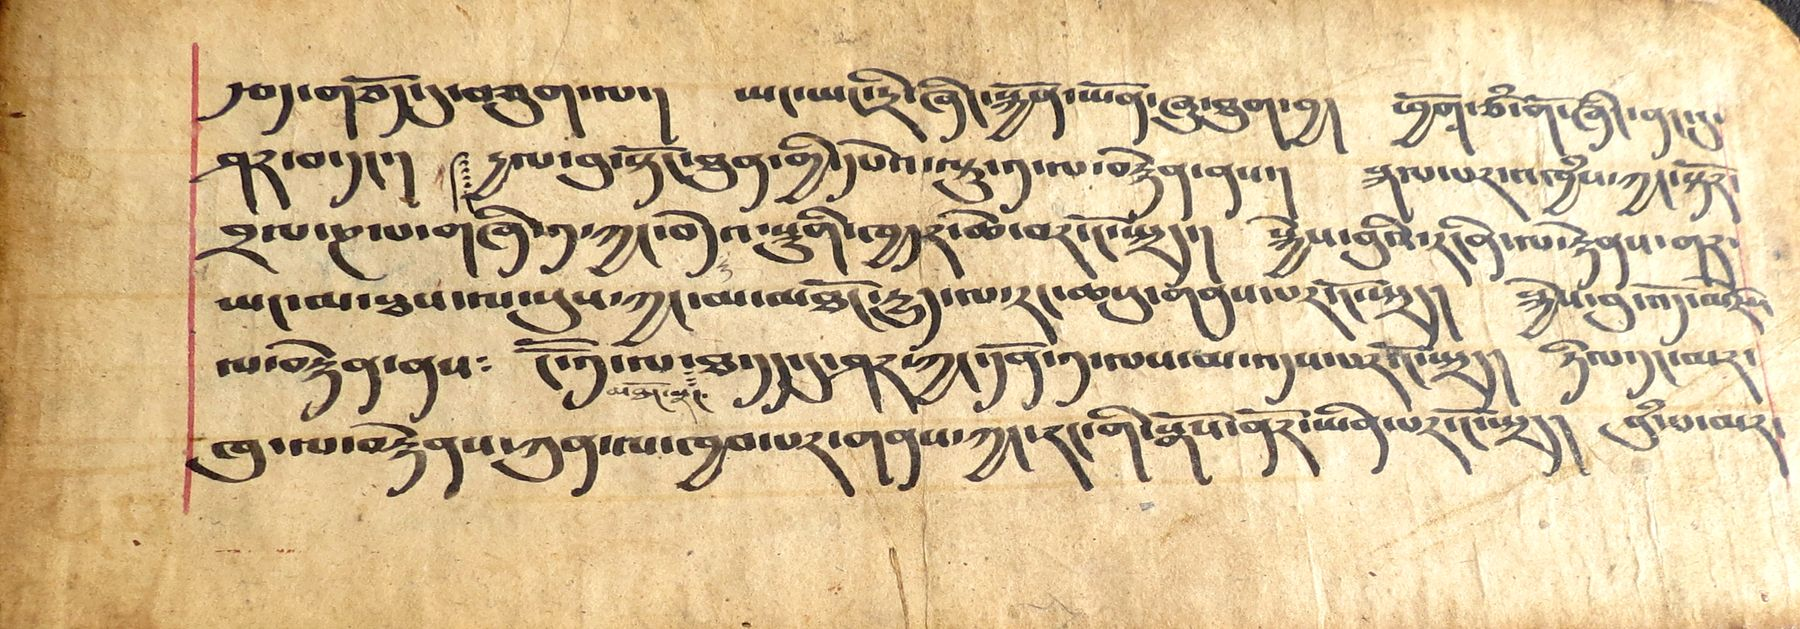རྩད་གཅོད་དུ་བཅུག་ལ་ཡང་ཡང་དྲི་ཞིང་སྐྱོན་ཡོན་གྱི་ཞུ་ཐུག་བྱ། ཕྱོགས་ཙམ་གོ་ཞིང་ནང་དུ་
ཤར་བ་དང་། རྒྱལ་བུ་སྟོང་ཐུན་གྱི་དཔེ་ལྟ་བུ་ཞིག་ལ་བརྟེན་ནས། བསྐལ་པར་འཁྱམས་ཀྱང་སྟོར་
བྲལ་མེད་པར། གཞི་གཅིག་ཀྱང་བདེ་སྡུག་གི་ཁྱད་པར་ཆེ་བར་ངོ་སྤྲད། སྐྱེས་བུ་རང་གི་བྱད་ཆ་ལ་བཞིན་ལ་བརྟེན་ལ། གར་
ཡང་མ་སྦས་སུས་ཀྱང་མ་མཐོང་རྒྱུད་ལ་རང་ཆས་སུ་གནས་པར་ངོ་སྤྲད། སྐྱེས་བུ་འོད་མཛེས་
ལ་བརྟེན་ནས་ངོ་བོ་གཅིག་ལ་མཐོང་སྣང་ཐ་དད་དུ་ཤར་ཀྱང་དོན་གཅིག་ལས་མ་འདས་པར་ངོ་སྤྲད། ཏིལ་དང་མར་
ཁུ་ལ་བརྟེན་ནས་ཀུན་ལ་ཁྱབ་པར་གནས་ཀྱང་རང་གི་སྒོས་ནོར་ཡིན་པར་ངོ་སྤྲད། བུམ་པ་མར་